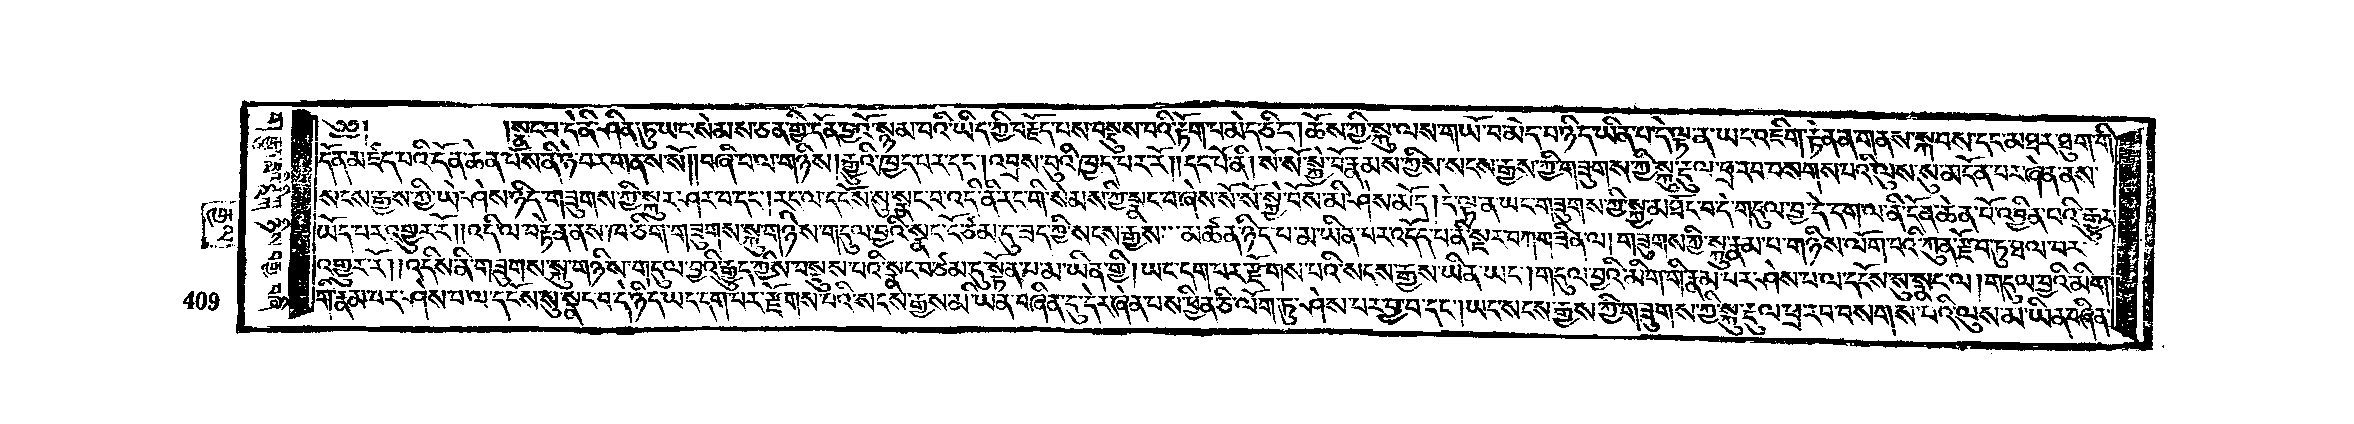༄༅། །སྣང་བ་དེ་ནི་ཤིན་ཏུ་ཡང་སེམས་ཅན་གྱི་དོན་བྱའོ་སྙམ་པའི་ཡིད་ཀྱི་བརྗོད་པས་བསྡུས་པའི་རྟོག་པ་མེད་ཅིང་། ཆོས་ཀྱི་སྐུ་ལས་གཡོ་བ་མེད་པ་ཉིད་ཡིན་པ་དེ་ལྟ་ན་ཡང་འཇིག་རྟེན་ན་གནས་སྐབས་དང་མཐར་ཐུག་གི་
དོན་མཛད་པའི་དོན་ཆེན་པོས་ནི་ཉེ་བར་གནས་སོ། །བཞི་པ་ལ་གཉིས། རྒྱུའི་ཁྱད་པར་དང་། འབྲས་བུའི་ཁྱད་པར་རོ། །དང་པོ་ནི། སོ་སོ་སྐྱེ་བོ་རྣམས་ཀྱིས་སངས་རྒྱས་ཀྱི་གཟུགས་ཀྱི་སྐུ་རྡུལ་ཕྲ་རབ་བསགས་པའི་ལུས་སུ་མངོན་པར་ཞེན་ནས་
སངས་རྒྱས་ཀྱི་ཡེ་ཤེས་ཉིད་གཟུགས་ཀྱི་སྐུར་ཤར་བ་དང་། རང་ལ་དངོས་སུ་སྣང་བ་འདི་ནི་རང་གི་སེམས་ཀྱི་སྣང་བ་ཞེས་སོ་སོ་སྐྱེ་བོས་མི་ཤེས་མོད། དེ་ལྟ་ན་ཡང་གཟུགས་ཀྱི་སྐྱ་མཐོང་བ་དེ་གདུལ་བྱ་དེ་དག་ལ་ནི་དོན་ཆེན་པོ་འབྱིན་པའི་རྒྱུར་
ཡོད་པར་འགྱུར་རོ། །འདི་ལ་བརྟེན་ནས་ཁ་ཅིག་གཟུགས་སྐུ་གཉིས་གདུལ་བྱའི་སྣང་ངོ་ཙམ་དུ་ཟད་ཀྱི་སངས་རྒྱས་མཚན་ཉིད་པ་མ་ཡིན་པར་འདོད་པ་ནི་སྔར་བཀག་ཟིན་ལ། གཟུགས་ཀྱི་སྐུ་རྣམ་པ་གཉིས་ལོག་པའི་ཀུན་རྫོབ་ཏུ་ཐལ་བར་
འགྱུར་རོ། །འདིས་ནི་གཟུགས་སྐུ་གཉིས་གདུལ་བྱའི་རྒྱུད་ཀྱིས་བསྡུས་པའི་སྣང་བ་ཙམ་དུ་སྟོན་པ་མ་ཡིན་གྱི་།ཡང་དག་པར་རྫོགས་པའི་སངས་རྒྱས་ཡིན་ཡང་། གདུལ་བྱའི་མིག་གི་རྣམ་པར་ཤེས་པ་ལ་དངོས་སུ་སྣང་ལ། གདུལ་བྱའི་མིག་
གི་རྣམ་པར་ཤེས་པ་ལ་དངོས་སུ་སྣང་བ་དེ་ཉིད་ཡང་དག་པར་རྫོགས་པའི་སངས་རྒྱས་མ་ཡིན་བཞིན་དུ་དེར་ཞེན་པས་ཕྱིན་ཅི་ལོག་ཏུ་ཤེས་པར་བྱ་བ་དང་། ཡང་སངས་རྒྱས་ཀྱི་གཟུགས་ཀྱི་སྐུ་རྡུལ་ཕྲ་རབ་བསགས་པའི་ལུས་མ་ཡིན་བཞིན་